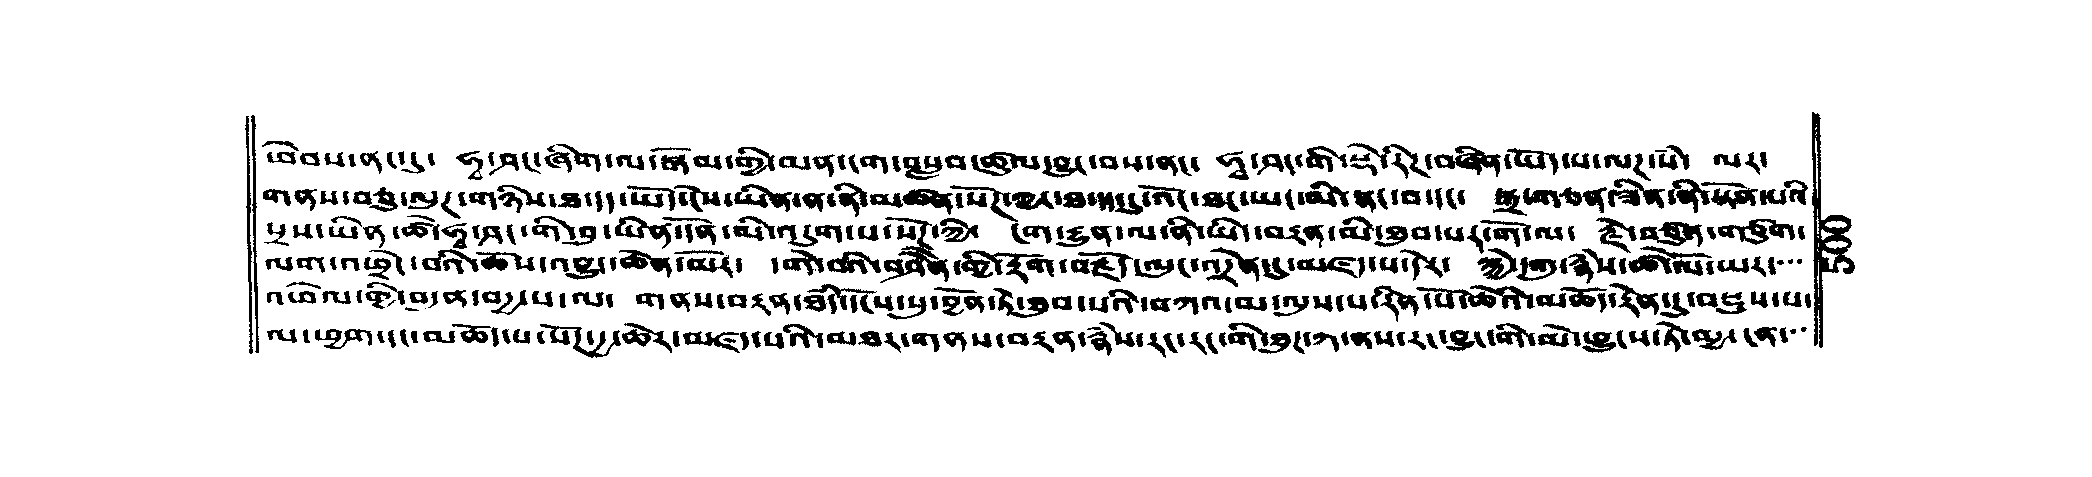ཕེབས་ནང་དུ། ཧྭ་ཤང་ཞིག་ལ་སྒོམ་གྱི་མན་ངག་བསླབ་ཚུལ་བྱུང་བས་ནང་། ཧྭ་ཤང་གི་སྡེ་རིགས་བཞིན་ཡོད་པ་ལགས་སམ། ལར་
གནས་བཅུ་ལུགས་གཉིས་ཐ་དད་ཡོད་ངེས་ཡིན་ན་ནི་མཚན་སོགས་ཀྱང་ཐ་དད་དུ་འོང་ཐང་ཡང་མི་སྣང་བ་དང་། སྒྲ་གཅན་འཛིན་ནི་སྟོན་པའི་
སྲས་ཡིན་ཚེ་ཧྭ་ཤང་གི་བུ་ཡིན་དོན་མི་འདུག་པ་སོགས་ཀྱི། ངག་རྒྱུན་ལ་ནི་ཡིད་བརྟན་མི་ཐུབ་པར་གོ་ལ། རྗེ་བཙུན་གཙུག་
ལག་འཕྲེང་བའི་ཆོས་འབྱུང་ཆེན་མོར། དགེ་བའི་བཤེས་གཉེན་གྱི་རྟོགས་བརྗོད་ལུང་འདྲེན་དུ་མཛད་པ་དེར། སྐྱེ་དགུ་རྣམས་ཚེ་ལོ་ཡར་
འཕེལ་གྱི་བདུན་བརྒྱ་པ་ལ། གནས་བརྟན་ཐམས་ཅད་དངོས་སུ་བྱོན་ཏེ་ཐུབ་པའི་བཀའ་མ་ལུས་པ་རིན་པོ་ཆེའི་མཆོད་རྟེན་དུ་བསྡུས་པ་
ལ་ཕྱག་དང་མཆོད་པ་སོགས་རྒྱ་ཆེར་མཛད་པའི་མཐར་གནས་བརྟན་རྣམས་རང་རང་གི་ཐུགས་ཀ་ནས་རང་བྱུང་གི་མེ་ཕྱུངས་ཏེ་མྱ་ངན་